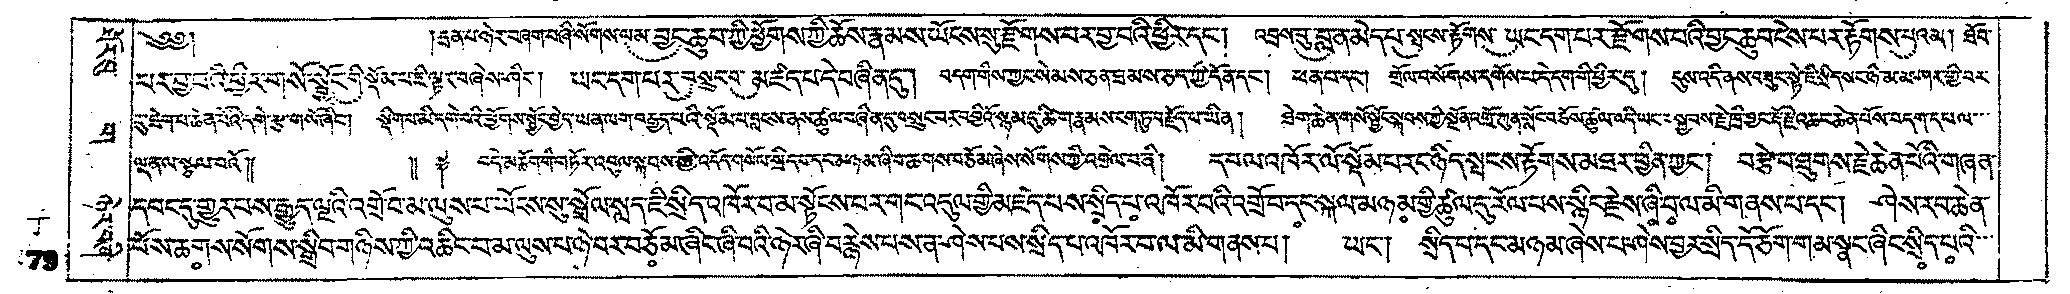༄༅། ། དྲན་པ་ཉེར་བཞག་བཞི་སོགས་ལམ་བྱང་ཆུབ་ཀྱི་ཕྱོགས་ཀྱི་ཆོས་རྣམས་ཡོངས་སུ་རྫོགས་པར་བྱ་བའི་ཕྱིར་དང་། འབྲས་བུ་བླ་ན་མེད་པ་སྤངས་རྟོགས་ཡང་དག་པར་རྫོགས་པའི་བྱང་ཆུབ་ངེས་པར་རྟོགས་པའམ། ཐོབ
པར་བྱ་བའི་ཕྱིར་གསོ་སྦྱོང་གི་སྡོམ་པ་ཇི་ལྟར་བཞེས་ཤིང་།  ཡང་དག་པར་བསྲུང་བ་མཛད་པ་དེ་བཞིན་དུ། བདག་གིས་ཀྱང་སེམས་ཅན་ཐམས་ཅད་ཀྱི་དོན་དང་། ཕན་པ་དང་། གྲོལ་བ་སོགས་དགོས་པ་དེ་དག་གི་ཕྱིར་དུ། དུས་འདི་ནས་བཟུང་སྟེ་ཇི་སྲིད་སང་ཉི་མ་མ་ཤར་གྱི་བར་
དུ་ཐེག་པ་ཆེན་པོའི་དགེ་རྩ་གསོ་ཞིང་། སྡིག་པ་མི་དགེ་བའི་ཕྱོགས་སྦྱོང་བྱེད་ཡན་ལག་བརྒྱད་པའི་སྡོམ་པ་བླངས་ནས་ཚུལ་བཞིན་དུ་བསྲུང་བར་བགྱིའོ་སྙམ་དུ་ཚིག་རྣམས་ངག་ཏུ་བརྗོད་པ་ཡིན། ཐེག་ཆེན་གསོ་སྦྱོང་སྐབས་ཀྱི་སྔོན་འགྲོ་ཀུན་སློང་བཅོས་ཚུལ་འདི་ཡང ༧སྐྱབས་རྗེ་ཁྲི་བྱང་རྡོ་རྗེ་འཆང་ཆེན་པོས་བདག་དཔལ་་་
ལྡན་ལ་སྩལ་བའོ།། །། འ་བདེ་མཆོག་གི་གཏོར་འབུལ་སྐབས་ཀྱི་འདོད་གསོལ་སྲིད་པ་དང་མཉམ་ཞི་བ་ཆགས་བཅོམ་ཞེས་སོགས་ཀྱི་འགྲེལ་པ་ནི། དཔལ་འཁོར་ལོ་སྡོམ་པ་རང་ཉིད་སྤངས་རྟོགས་མཐར་ཕྱིན་ཀྱང་། བརྩེ་བ་ཐུགས་རྗེ་ཆེན་པོའི་གཞན་
དབང་དུ་གྱུར་པས་རྒྱུད་ལྔའི་འགྲོ་བ་ལུས་པ་ཡོངས་སུ་སྒྲོལ་སླད་ཇི་སྲིད྾་པ྾་འཁྲོ་བ་མ་སྟོངས་བར་གང་འདུལ་གྱི་མཛད་པ་སྲིད྾་པ྾་འཁོར་བའི་འགྲོ་བ་དང྾་སྐལ་མཉམ྾་གྱི་ཚུལ་དུ་རོལ་པས་སྙིང་རྗེས་ཞི྾་བ྾་ལ་མི་གནས་པ་དང་། ཤེས་རབ་ཆེན་
པོས་ཆགས྾་སོགས་སྒྲིབ་གཉིས་ཀྱི་འཆིང་བ་མ་ལུས་པ་ཉེ་བར་བཅོམ྾་ཞིང་ཞི་བའི་ཉེར་ཞི་བརྙེས་པས་ན་ཤེས་པས་སྲིད་པ་འཁོར་བ་ལ་མི་གནས་པ། ཡང་། སྲིད་པ་དང་མཉམ་ཞེས་པ་ཤེས་བྱར་སྲིད་དོ་ཅོག་གམ་སྣང་ཞིང་སྲིད྾་པའི྾་་་